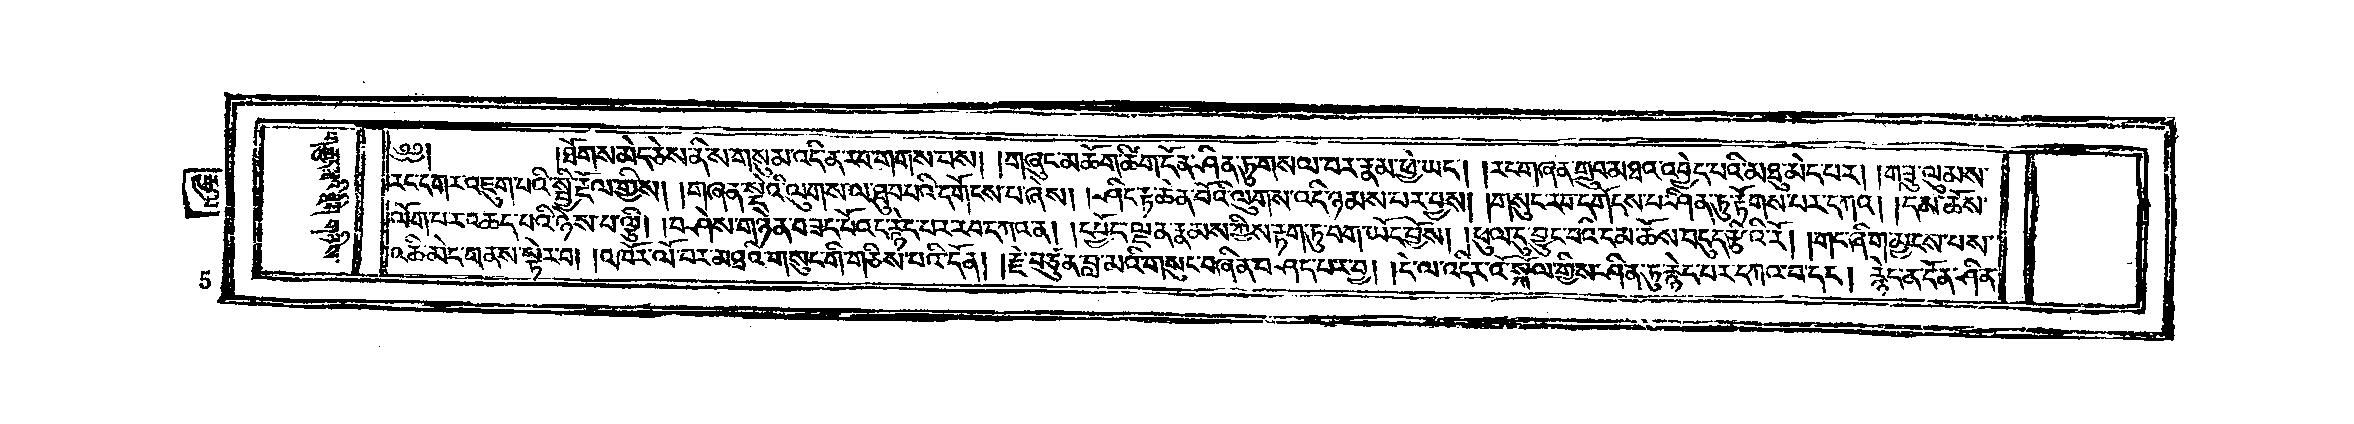༄༅། །ཐོགས་མེད་ཅེས་ནི་ས་གསུམ་འདི་ན་རབ་གགས་པས། །གཞུང་མཆོག་ཚིག་དོན་ཤིན་ཏུ་གསལ་བར་རྣམ་ཕྱེ་ཡང་། །རང་གཞན་གྲུབ་མཐའ་འབྱེད་པའི་མཐུ་མེད་པར། །གཟུ་ལུམས་
རང་དགར་འཇུག་པའི་སྤྱི་རྡོལ་གྱིས། །གཞན་སྡེའི་ལུགས་ལ་ཐུབ་པའི་དགོངས་པ་ཞེས། །ཤིང་རྟ་ཆེན་པོའི་ལུགས་འདི་ཉམས་པར་བྱས། །གསུང་རབ་དགོངས་པ་ཤིན་ཏུ་རྟོགས་པར་དཀའ། །དམ་ཆོས་
ལོག་པར་འཆད་པའི་ཉེས་པ་ལྕི། །བཤེས་གཉེན་བཟང་པོའང་རྙེད་པར་རབ་དཀའ་ན། །དཔྱོད་ལྔན་རྣམས་ཀྱིས་རྟག་ཏུ་བག་ཡོད་བྱོས། །ཕུལ་དུ་བྱུང་བའི་དམ་ཆོས་བདུད་རྩིའི་རོ། །གང་ཞིག་མྱངས་པས་
འཆི་མེད་གནས་སྟེར་བ། །འཁོར་ལོ་བར་མཐའི་གསུང་གི་གཅིས་པའི་དོན། །རྗེ་བཙུན་བླ་མའི་གསུང་བཞིན་བཤད་པར་བྱ། །དེ་ལ་འདིར་འོ་སྐོལ་གྱིས་ཤིན་ཏུ་རྙེད་པར་དཀའ་བ་དང་། རྙེད་ན་དོན་ཤིན་